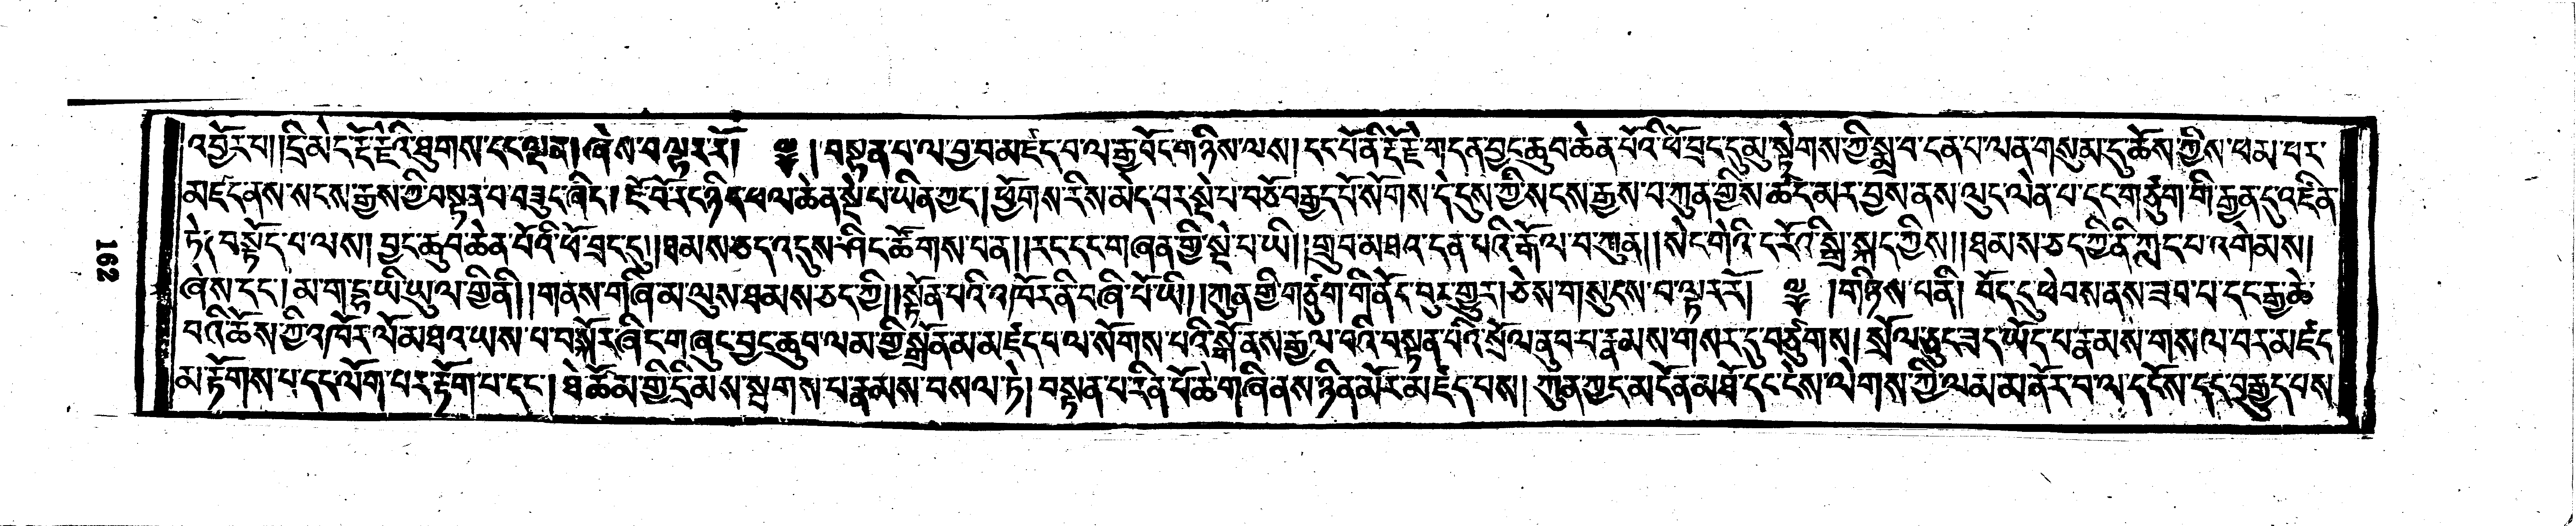འབྱོར་པ། །དྲི་མེད་རྡོ་རྗེའི་ཐུགས་དང་ལྡན། ཞེས་པ་ལྟར་རོ། ༈ །བསྟན་པ་ལ་བྱ་བ་མཛད་པ་ལ་རྒྱ་བོད་གཉིས་ལས། དང་པོ་ནི་རྡོ་རྗེ་གདན་བྱང་ཆུབ་ཆེན་པོའི་ཕོ་བྲང་དུ་མུ་སྟེགས་ཀྱི་སྨྲ་བ་ངན་པ་ལན་གསུམ་དུ་ཆོས་ཀྱིས་ཕམ་པར་
མཛད་ནས་སངས་རྒྱས་ཀྱི་བསྟན་པ་བཟུང་ཞིང་། ཇོ་བོ་རང་ཉིད་ཕལ་ཆེན་སྡེ་པ་ཡིན་ཀྱང་། ཕྱོགས་རིས་མེད་པར་སྡེ་པ་བཅོ་བརྒྱད་པོ་སོགས་དེ་དུས་ཀྱི་སངས་རྒྱས་པ་ཀུན་གྱིས་ཚད་མར་བྱས་ནས་ལུང་ལེན་པ་དང་གཙུག་གི་རྒྱན་དུ་འཛིན་
ཏེ། བསྟོད་པ་ལས། བྱང་ཆུབ་ཆེན་པོའི་ཕོ་བྲང་དུ། ཐམས་ཅད་འདུས་ཤིང་ཚོགས་པ་ན། །རང་དང་གཞན་གྱི་སྡེ་པ་ཡི། །གྲུབ་མཐའ་ངན་པའི་རྒོལ་བ་ཀུན། །སེང་གེའི་ང་རོའི་སྒྲ་སྐད་ཀྱིས། །ཐམས་ཅད་ཀྱི་ནི་ཀླད་པ་འགེམས།
ཞེས་དང་། མ་ག་དྷ་ཡི་ཡུལ་གྱི་ནི། །གནས་གཞི་མ་ལུས་ཐམས་ཅད་ཀྱི། །སྟོན་པའི་འཁོར་ནི་བཞི་པོ་ཡི། །ཀུན་གྱི་གཙུག་གི་ནོར་བུར་གྱུར། ཅེས་གསུངས་པ་ལྟར་རོ། ༈ །གཉིས་པ་ནི། བོད་དུ་ཕེབས་ནས་ཟབ་པ་དང་རྒྱ་ཆེ་
བའི་ཆོས་ཀྱི་འཁོར་ལོ་མཐའ་ཡས་པ་བསྐོར་ཞིང་གཞུང་བྱང་ཆུབ་ལམ་གྱི་སྒྲོན་མ་མཛད་པ་ལ་སོགས་པའི་སྒོ་ནས་རྒྱལ་བའི་བསྟན་པའི་སྲོལ་ནུབ་པ་རྣམས་གསར་དུ་བཙུགས། སྲོལ་ཅུང་ཟད་ཡོད་པ་རྣམས་གསལ་བར་མཛད།
མ་རྟོགས་པ་དང་ལོག་པར་རྟོག་པ་དང་། ཐེ་ཚོམ་གྱི་དྲི་མས་སྤགས་པ་རྣམས་བསལ་ཏེ། བསྟན་པ་རིན་པོ་ཆེ་གཞི་ནས་ཉིན་མོར་མཛད་པས། ཀུན་ཀྱང་མངོན་མཐོ་དང་ངེས་ལེགས་ཀྱི་ལམ་མ་ནོར་བ་ལ་དངོས་དང་བརྒྱུད་པས་